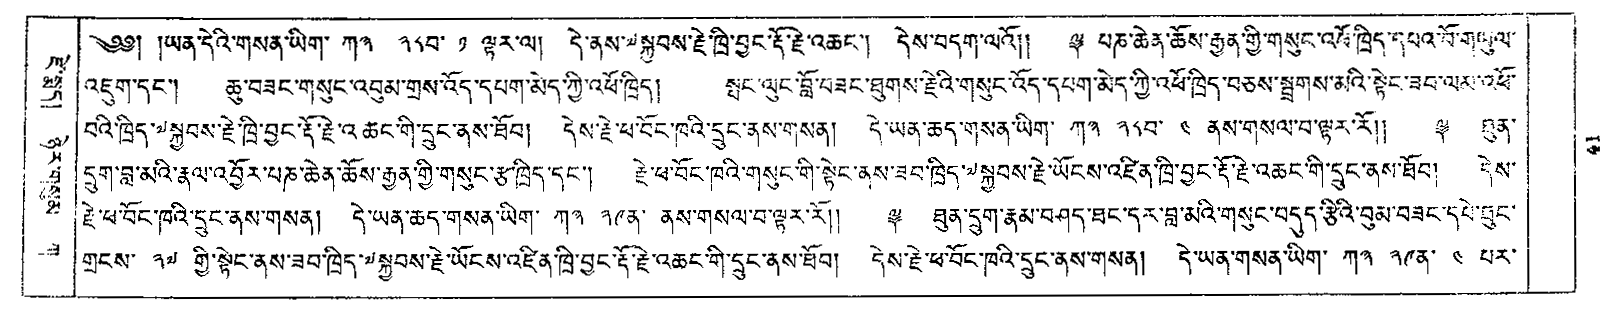༄༅། །ཡན་དེའི་གསན་ཡིག་ཀ ༣ ༢༨་བ ༡་ལྟར་ལ། དེ་ནས་༧་སྐྱབས་རྗེ་ཁྲི་བྱང་རྡོ་རྗེ་འཆང་། དེས་བདག་ལའོ།། ༈ པཎ་ཆེན་ཆོས་རྒྱན་གྱི་གསུང་འཕོ་ཁྲིད་དཔའ་བོ་གཡུལ་
འཇུག་དང་། ཆུ་བཟང་གསུང་འབུམ་གྲས་འོད་དཔག་མེད་ཀྱི་འཕོ་ཁྲིད། སྤང་ལུང་བློ་བཟང་ཐུགས་རྗེའི་གསུང་འོད་དཔག་མེད་ཀྱི་འཕོ་ཁྲིད་བཅས་སྦྲགས་མའི་སྟེང་ཟབ་ལམ་འཕོ་
བའི་ཁྲིད་༧སྐྱབས་རྗེ་ཁྲི་བྱང་རྡོ་རྗེ་འཆང་གི་དྲུང་ནས་ཐོབ། དེས་རྗེ་ཕ་བོང་ཁའི་དྲུང་ནས་གསན། དེ་ཡན་ཆད་གསན་ཡིག་ཀ ༣ ༢༨་བ ༤་ནས་གསལ་བ་ལྟར་རོ།། ༈ ཐུན་
དྲུག་བླ་མའི་རྣལ་འབྱོར་པཎ་ཆེན་ཆོས་རྒྱན་གྱི་གསུང་རྩ་ཁྲིད་དང་། རྗེ་ཕ་བོང་ཁའི་གསུང་གི་སྟེང་ནས་ཟབ་ཁྲིད་༧་སྐྱབས་རྗེ་ཡོངས་འཛིན་ཁྲི་བྱང་རྡོ་རྗེ་འཆང་གི་དྲུང་ནས་ཐོབ། དེས་
རྗེ་ཕ་བོང་ཁའི་དྲུང་ནས་གསན། དེ་ཡན་ཆད་གསན་ཡིག་ཀ ༣ ༢༩་ན་ནས་གསལ་བ་ལྟར་རོ།། ༈ ཐུན་དྲུག་རྣམ་བཤད་ཐང་དར་བླ་མའི་གསུང་བདུད་རྩིའི་བུམ་བཟང་དཔེ་ཐུང་
གྲངས ༢༧་གྱི་སྟེང་ནས་ཟབ་ཁྲིད་༧སྐྱབས་རྗེ་ཡོངས་འཛིན་ཁྲི་བྱང་རྡོ་རྗེ་འཆང་གི་དྲུང་ནས་ཐོབ། དེས་རྗེ་ཕ་བོང་ཁའི་དྲུང་ནས་གསན། དེ་ཡན་གསན་ཡིག་ཀ ༣ ༢༩་ན ༤་པར་